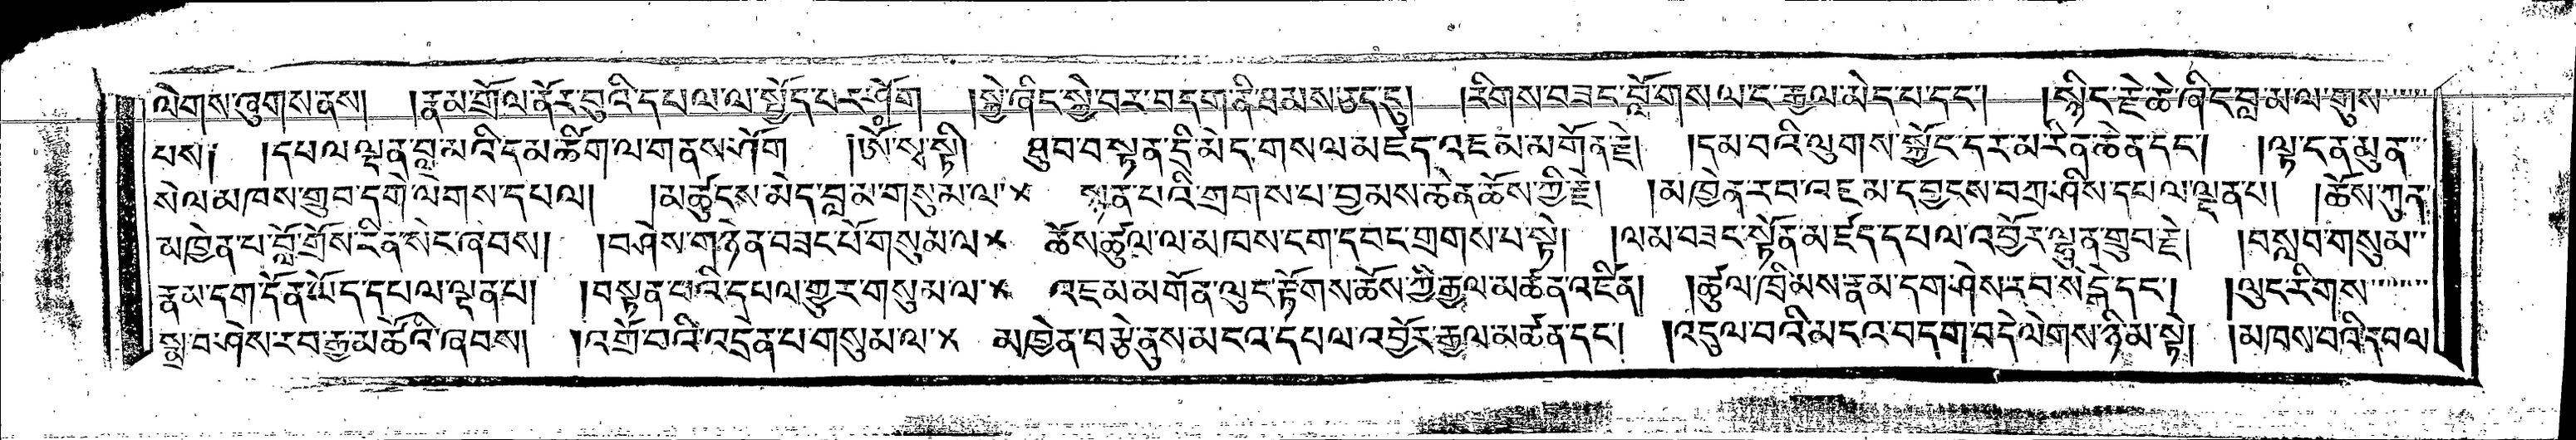ལེགས་ཞུགས་ནས། །རྣམ་གྲོལ་ནོར་བུའི་དཔལ་ལ་སྤྱོད་པར་ཤོག །སྐྱེ་ཞིང་སྐྱེ་བར་བདག་ནི་ཐམས་ཅད་དུ། །རིགས་བཟང་བློ་གསལ་ང་རྒྱལ་མེད་པ་དང་། །སྙིང་རྗེ་ཆེ་ཞིང་བླ་མ་ལ་གུས་
པས༑ །དཔལ་ལྡན་བླ་མའི་དམ་ཚིག་ལ་གནས་ཤོག །ཨོཾ་སྭ་སྟི། ཐུབ་བསྟན་དྲི་མེད་གསལ་མཛད་འཇམ་མགོན་རྗེ། །དམ་བའི་ལུགས་སྐྱོང་དར་མ་རིན་ཆེན་དང་། །ལྟ་ངན་མུན་
སེལ་མཁས་གྲུབ་དགེ་ལེགས་དཔལ། །མཚུངས་མེད་བླ་མ་གསུམ་ལ་{྾}་སྙན་པའི་གྲགས་པ་བྱམས་ཆེན་ཆོས་ཀྱི་རྗེ། །མཁྱེན་རབ་འཇམ་དབྱངས་བཀྲ་ཤིས་དཔལ་ལྡན་པ། །ཆོས་ཀུན་
མཁྱེན་པ་བློ་གྲོས་རིན་སེང་ཞབས། །བཤེས་གཉེན་བཟང་པོ་གསུམ་ལ་{྾}་ཆོས་ཚུལ་ལ་མཁས་ངག་དབང་གྲགས་པ་སྟེ། །ལམ་བཟང་སྟོན་མཛད་དཔལ་འབྱོར་ལྷུན་གྲུབ་རྗེ། །བསླབ་གསུམ་
རྣམ་དག་དོན་ཡོད་དཔལ་ལྡན་པ། །བསྟན་པའི་དཔལ་གྱུར་གསུམ་ལ་{྾}་འཇམ་མགོན་ལུང་རྟོགས་ཆོས་ཀྱི་རྒྱལ་མཚན་འཛིན། །ཚུལ་ཁྲིམས་རྣམ་དག་ཤེས་རབ་སེངྒེ་དང་། །ལུང་རིགས་
སྨྲ་བ་ཤེས་རབ་རྒྱ་མཚོའི་ཞབས། །འགྲོ་བའི་འདྲེན་པ་གསུམ་ལ་{྾}་མཁྱེན་བརྩེ་ནུས་མངའ་དཔལ་འབྱོར་རྒྱལ་མཚན་དང་། །འདུལ་བའི་མངའ་བདག་བདེ་ལེགས་ཉི་མ་སྟེ། །མཁས་པའི་དཔལ་